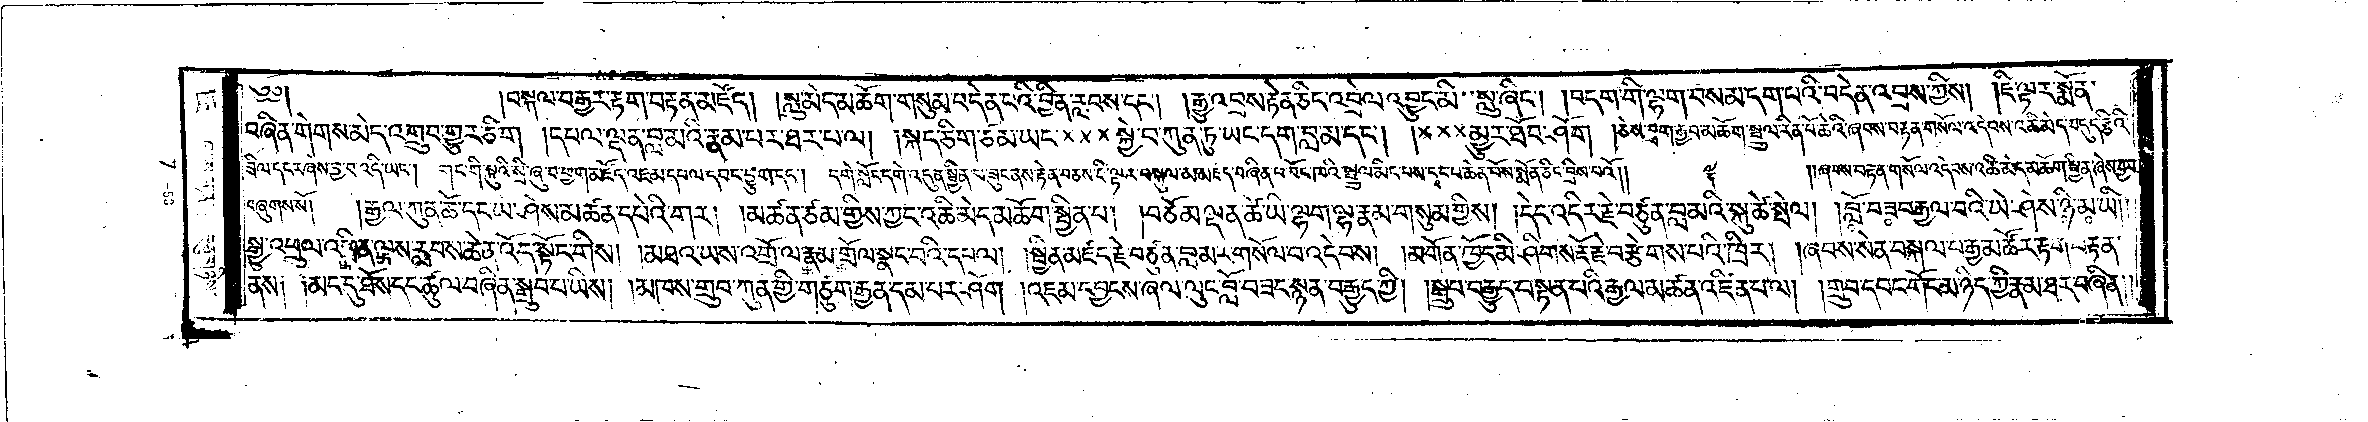༄༅། །བསྐལ་བརྒྱར་རྟག་བརྟན་མཛོད། །སླུ་མེད་མཆོག་གསུམ་བདེན་པའི་བྱིན་རླབས་དང་། །རྒྱུ་འགྲས་རྟེན་ཅིང་འབྲེལ་འབྱུང་མི་བསླུ་ཞིང་། །བདག་གི་ལྷག་བསམ་དག་པའི་བདེན་འབྲས་ཀྱིས། །ཇི་ལྟར་སྨོན་
བཞིན་གེགས་མེད་འགྲུབ་གྱུར་ཅིག །དཔལ་ལྡན་བླ་མའི་རྣམ་པར་ཐར་པ་ལ། །སྐད་ཅིག་ཙམ་ཡང་྾྾྾་སྐྱེ་བ་ཀུན་ཏུ་ཡང་དག་བླ་མ་དང་། །྾྾྾་མྱུར་ཐོབ་ཤོག །ཅེས་བྲག་རྒྱབ་མཆོག་སྦྲུལ་རིན་པོ་ཆེའི་ཞབས་བརྟན་གསོལ་འདེབས་འཆི་མེད་བདུད་རྩིའི་
ཟིལ་དངར་ཞེས་བྱ་བ་འདི་ཡང་། གང་གི་སྐུའི་སྲི་ཞུ་བ་ཕྱག་མཛོད་འཇམ་དཔལ་དབང་ཕྱུག་དང་། དགེ་སློང་དགེ་འདུན་སྦྱིན་བ་ཟུང་ནས་རྟེན་བཅས་ཇི་ལྟར་བསྐུལ་མ་མཛད་བཞིན་ཕ་བོང་ཁའི་སྤྲུལ་མིང་པས་དྭང་བ་ཆེན་པོས་སྨོན་ཅིང་བྲིས་བའོ།། ༈ །།ཞབས་བརྟན་གསོལ་འདེབས་འཚི་མེད་མཆོག་སྦྱིན་ཞེས་བྱ་བ་
བཞུགས་སོ། །རྒྱལ་ཀུན་ཚེ་དང་ཡེ་ཤེས་མཚན་དཔེའི་གར། །མཚན་ཙམ་གྱིས་ཀྱང་འཆི་མེད་མཆོག་སྦྱིན་པ། །བཅོམ་ལྡན་ཚེ་ཡི་ལྷག་ལྷ་རྣམ་གསུམ་གྱིས། །དེང་འདིར་རྗེ་བཙུན་བླ་མའི་སྐུ་ཚེ་སྤེལ། །བློ་བཟང་རྒྱལ་བའི་ཡེ་ཤེས་ཉི་མ་ཡི།།
སྒྱུ་འཕྲུལ་འཕྲིན་ལས་རླབས་ཆེན་འོད་སྟོང་གིས། །མཐའ་ཡས་འགྲོ་ལ་རྣམ་གྲོལ་སྣང་བའི་དཔལ། །སྦྱིན་མཛད་རྗེ་བཙུན་བླ་མར་གསོལ་བ་འདེབས། །མགོན་ཁྱོད་མི་ཤིགས་རྡོ་རྗེ་བརྩེགས་པའི་ཁྲིར། །ཞབས་སེན་བསྐལ་བརྒྱ་མཚོར་རྟག་བརྟན་
ནས༑ ༑མང་དུ་ཐོས་དང་ཚུལ་བཞིན་སྒྲུབ་པ་ཡིས། །མཁས་གྲུབ་ཀུན་གྱི་གཙུག་རྒྱན་དམ་པར་ཤོག །འཇམ་དབྱངས་ཞལ་ལུང་བློ་བཟང་སྙན་བརྒྱུད་ཀྱི། །སྒྲུབ་བརྒྱུད་བསྟན་པའི་རྒྱལ་མཚན་འཛིན་པ་ལ། །གྲུབ་དབང་གོང་མ་ཉིད་ཀྱི་རྣམ་ཐར་བཞིན། །